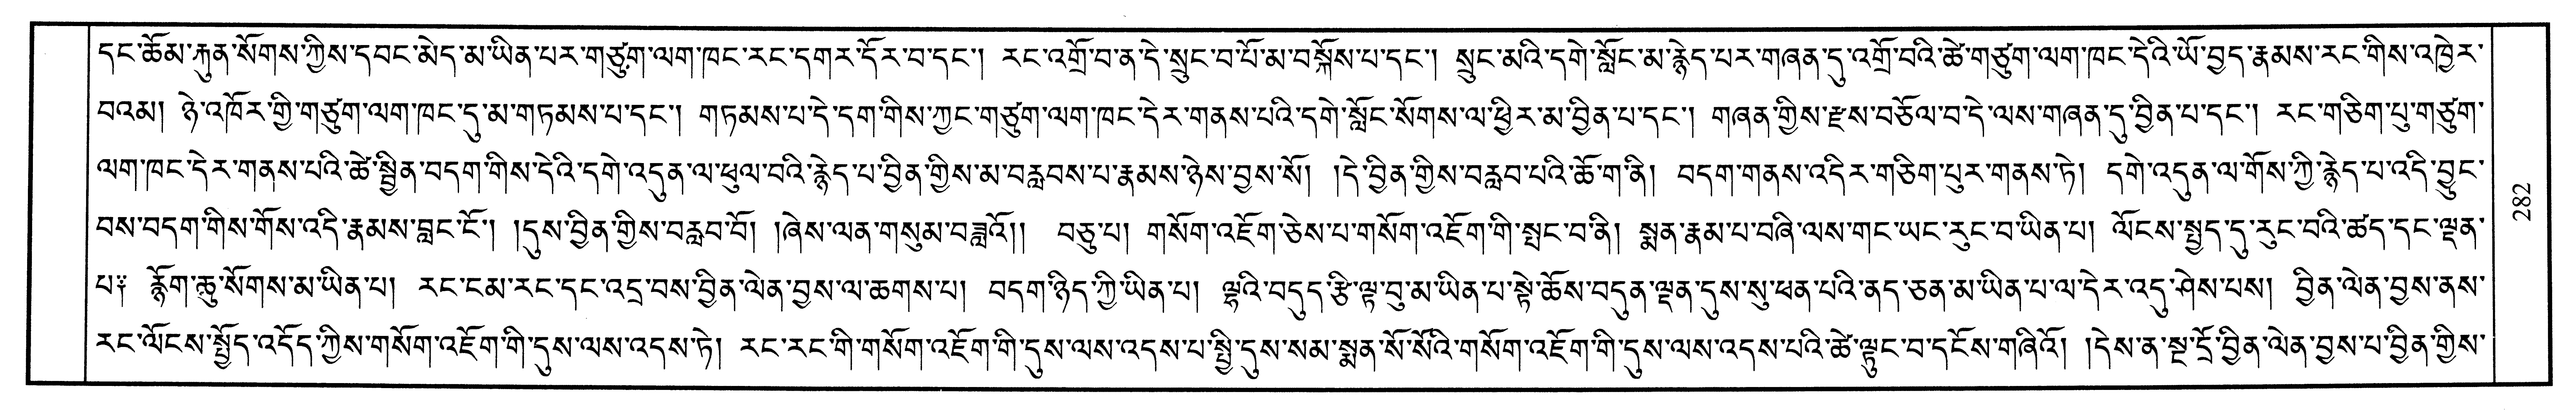དང་ཆོམ་རྐུན་སོགས་ཀྱིས་དབང་མེད་མ་ཡིན་པར་གཙུག་ལག་ཁང་རང་དགར་དོར་བ་དང་། རང་འགྲོ་བ་ན་དེ་སྲུང་བ་པོ་མ་བསྐོས་པ་དང་། སྲུང་མའི་དགེ་སློང་མ་རྙེད་པར་གཞན་དུ་འགྲོ་བའི་ཚེ་གཙུག་ལག་ཁང་དེའི་ཡོ་བྱད་རྣམས་རང་གིས་འཁྱེར་
བའམ། ཉེ་འཁོར་གྱི་གཙུག་ལག་ཁང་དུ་མ་གཏམས་པ་དང་། གཏམས་པ་དེ་དག་གིས་ཀྱང་གཙུག་ལག་ཁང་དེར་གནས་པའི་དགེ་སློང་སོགས་ལ་ཕྱིར་མ་བྱིན་པ་དང་། གཞན་གྱིས་རྫས་བཅོལ་བ་དེ་ལས་གཞན་དུ་བྱིན་པ་དང་། རང་གཅིག་པུ་གཙུག་
ལག་ཁང་དེར་གནས་པའི་ཚེ་སྦྱིན་བདག་གིས་དེའི་དགེ་འདུན་ལ་ཕུལ་བའི་རྙེད་པ་བྱིན་གྱིས་མ་བརླབས་པ་རྣམས་ཉེས་བྱས་སོ། །དེ་བྱིན་གྱིས་བརླབ་པའི་ཆོ་ག་ནི། བདག་གནས་འདིར་གཅིག་པུར་གནས་ཏེ། དགེ་འདུན་ལ་གོས་ཀྱི་རྙེད་པ་འདི་བྱུང་
བས་བདག་གིས་གོས་འདི་རྣམས་བླང་ངོ། །དུས་བྱིན་གྱིས་བརླབ་བོ། །ཞེས་ལན་གསུམ་བཟླའོ།། བཅུ་པ། གསོག་འཇོག་ཅེས་པ་གསོག་འཇོག་གི་སྤང་བ་ནི། སྨན་རྣམ་པ་བཞི་ལས་གང་ཡང་རུང་བ་ཡིན་པ། ལོངས་སྤྱད་དུ་རུང་བའི་ཚད་དང་ལྡན་
པ། རྙོག་ཆུ་སོགས་མ་ཡིན་པ། རང་ངམ་རང་དང་འདྲ་བས་བྱིན་ལེན་བྱས་ལ་ཆགས་པ། བདག་ཉིད་ཀྱི་ཡིན་པ། ལྷའི་བདུད་རྩི་ལྟ་བུ་མ་ཡིན་པ་སྟེ་ཆོས་བདུན་ལྡན་དུས་སུ་ཕན་པའི་ནད་ཅན་མ་ཡིན་པ་ལ་དེར་འདུ་ཤེས་པས། བྱིན་ལེན་བྱས་ནས་
རང་ལོངས་སྤྱོད་འདོད་ཀྱིས་གསོག་འཇོག་གི་དུས་ལས་འདས་ཏེ། རང་རང་གི་གསོག་འཇོག་གི་དུས་ལས་འདས་པ་སྤྱི་དུས་སམ་སྨན་སོ་སོའི་གསོག་འཇོག་གི་དུས་ལས་འདས་པའི་ཚེ་ལྟུང་བ་དངོས་གཞིའོ། །དེས་ན་སྔ་དྲོ་བྱིན་ལེན་བྱས་པ་བྱིན་གྱིས་